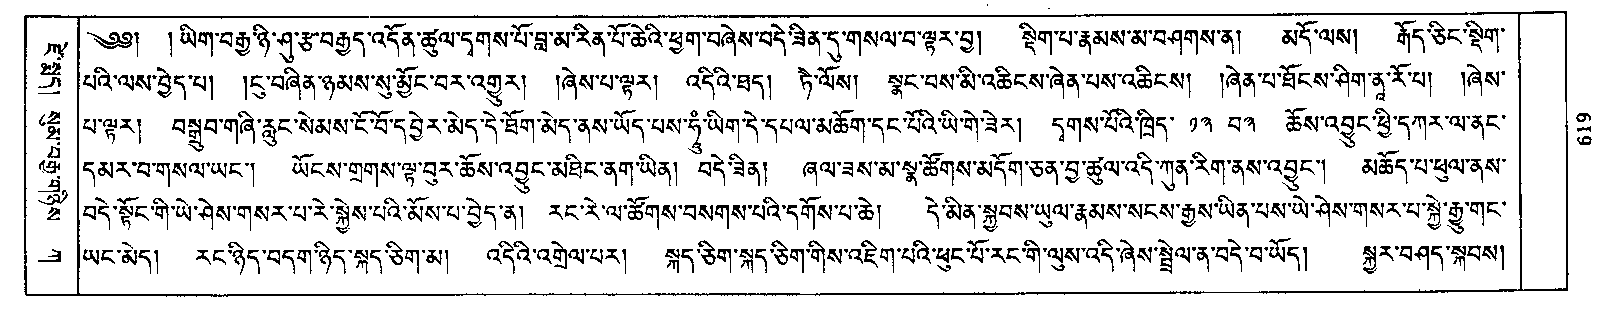༄༅། །ཡིག་བརྒྱ་ཉི་ཤུ་རྩ་བརྒྱད་འདོན་ཚུལ་དྭགས་པོ་བླ་མ་རིན་པོ་ཆེའི་ཕྱག་བཞེས་བདེ་ཟིན་དུ་གསལ་བ་ལྟར་བྱ། སྡིག་པ་རྣམས་མ་བཤགས་ན། མདོ་ལས། རྒོད་ཅིང་སྡིག་
པའི་ལས་བྱེད་པ། །ངུ་བཞིན་ཉམས་སུ་མྱོང་བར་འགྱུར། །ཞེས་པ་ལྟར། འདིའི་ཐད། ཏཻ་ལོས། སྣང་བས་མི་འཆིངས་ཞེན་པས་འཆིངས། །ཞེན་པ་ཐོངས་ཤིག་ནཱ་རོ་པ། །ཞེས་
པ་ལྟར། བསྒྲུབ་གཞི་རླུང་སེམས་ངོ་བོ་དབྱེར་མེད་དེ་ཐོག་མེད་ནས་ཡོད་པས་ཧཱུཾ་ཡིག་དེ་དཔལ་མཆོག་དང་པོའི་ཡི་གེ་ཟེར། དྭགས་པོའི་ཁྲིད ༡༣་བ ༣་ཆོས་འབྱུང་ཕྱི་དཀར་ལ་ནང་
དམར་བ་གསལ་ཡང་། ཡོངས་གྲགས་ལྟ་བུར་ཆོས་འབྱུང་མཐིང་ནག་ཡིན། བདེ་ཟིན། ཞལ་ཟས་མ་སྣ་ཚོགས་མདོག་ཅན་བྱ་ཚུལ་འདི་ཀུན་རིག་ནས་འབྱུང་། མཆོད་པ་ཕུལ་ནས་
བདེ་སྟོང་གི་ཡེ་ཤེས་གསར་པ་རེ་སྐྱེས་པའི་མོས་པ་བྱེད་ན། རང་རེ་ལ་ཚོགས་བསགས་པའི་དགོས་པ་ཆེ། དེ་མིན་སྐྱབས་ཡུལ་རྣམས་སངས་རྒྱས་ཡིན་པས་ཡེ་ཤེས་གསར་པ་སྐྱེ་རྒྱུ་གང་
ཡང་མེད། རང་ཉིད་བདག་ཉིད་སྐད་ཅིག་མ། འདིའི་འགྲེལ་པར། སྐད་ཅིག་སྐད་ཅིག་གིས་འཇིག་པའི་ཕུང་པོ་རང་གི་ལུས་འདི་ཞེས་སྦྲེལ་ན་བདེ་བ་ཡོད། སྐྱར་བཤད་སྐབས།